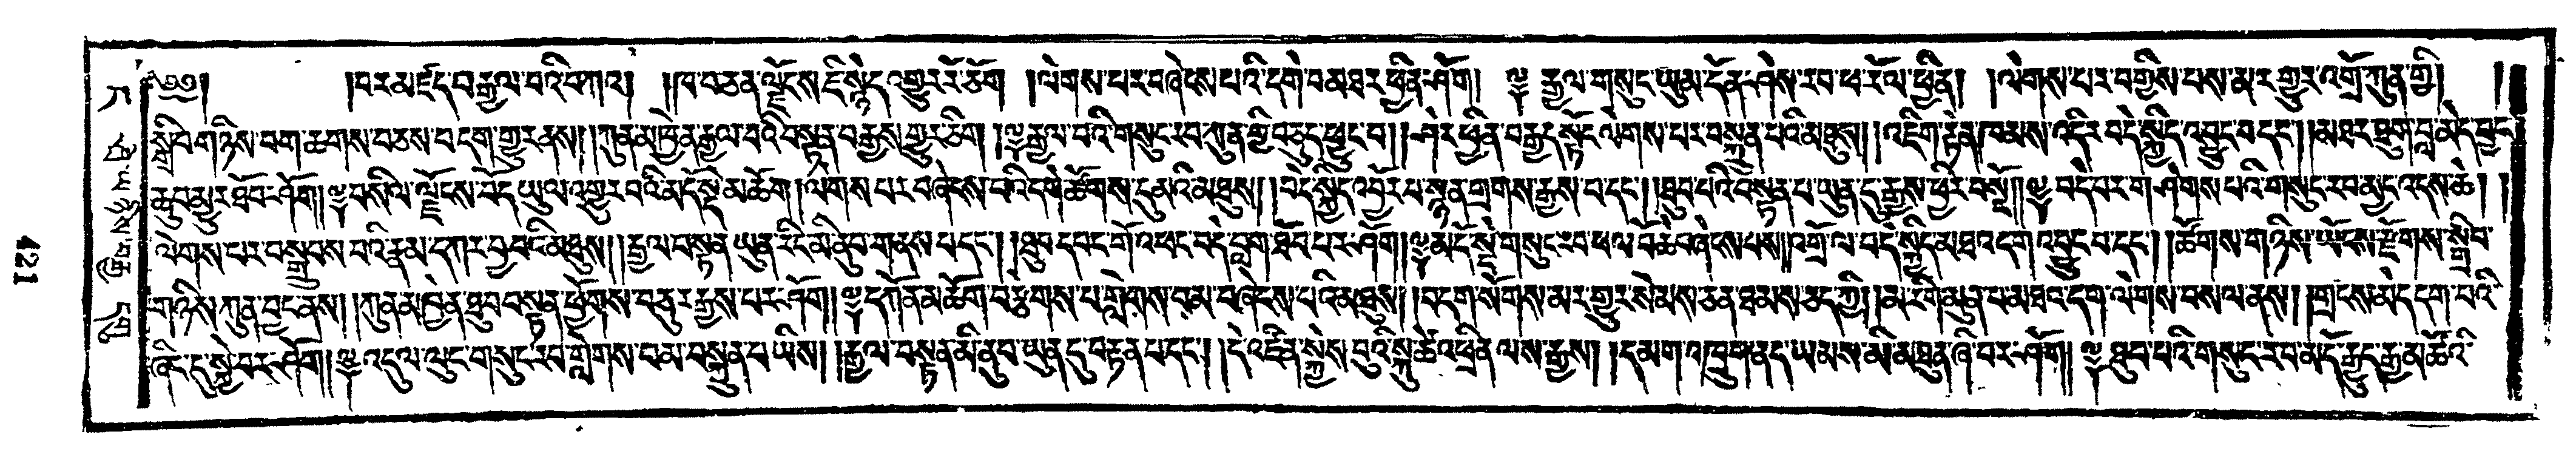༄༅། །བར་མཛད་བརྒྱལ་བའི་བཀའ། །ཁ་བ་ཅན་ལྗོངས་ཇི་སྙེད་འགྱུར་རོ་ཅོག །ལེགས་པར་བཞེངས་པའི་དགེ་བ་མཐར་ཕྱིན་ཤོག། ༈ རྒྱལ་གསུང་ཡུམ་དོན་ཤེས་རབ་ཕ་རོལ་ཕྱིན། །ལེགས་པར་བགྱིས་པས་མར་གྱུར་འགྲོ་ཀུན་གྱི། །
སྒྲིབ་གཉིས་བག་ཆགས་བཅས་བ་དག་གྱུར་ནས། །ཀུན་མཁྱེན་རྒྱལ་བའི་བསྟན་བ་རྒྱས་གྱུར་ཅིག། ༈ རྒྱལ་བའི་གསུང་རབ་ཀུན་གྱི་བཅུད་ཕྱུང་བ། །ཤེར་ཕྱིན་བརྒྱད་སྟོང་ལེགས་པར་བསྐྲུན་པའི་མཐུས། །འཇིག་རྟེན་ཁམས་འདིར་བདེ་སྐྱིད་འབྱུང་བ་དང་། །མཐར་ཐུག་བླ་མེད་བྱང་
ཆུབ་མྱུར་ཐོབ་ཤོག། ༈ བསིལ་ལྗོངས་བོད་ཡུལ་འགྱུར་བའི་མདོ་སྡེ་མཆོག །ལེགས་པར་བཞེངས་པའི་དགེ་ཚོགས་དུ་མའི་མཐུས། །བདེ་སྐྱིད་འབྱོར་བ་སྙན་གྲགས་རྒྱས་བ་དང་། །ཐུབ་པའི་བསྟན་པ་ཡུན་དུ་རྒྱས་ཕྱིར་བསྔོ། ། ༈ བདེ་བར་གཤེགས་པའི་གསུང་རབ་མྱང་འདས་ཆེ། །
ལེགས་པར་བསྒྲུབས་པའི་རྣམ་དཀར་བྱ་བའི་མཐུས། །རྒྱལ་བསྟན་ཡུན་རིང་མི་ནུབ་གནས་པ་དང་། །ཐུབ་དབང་གོ་འཕང་བདེ་བླག་ཐོབ་པར་ཤོག། ༈ མདོ་སྡེ་གསུང་རབ་ཕལ་བོ་ཆེ་བཞེངས་པས། །འགྲོ་ལ་བདེ་སྐྱིད་མཐའ་དག་འབྱུང་བ་དང་། །ཚོགས་གཉིས་ཡོངས་རྫོགས་སྒྲིབ་
གཉིས་ཀུན་བྱང་ནས། །ཀུན་མཁྱེན་ཐུབ་བསྟན་ཕྱོགས་བཅུར་རྒྱས་པར་ཤོག། ༈ དཀོན་མཆོག་བརྩེགས་པ་གླེགས་བམ་བཞེངས་པའི་མཐུས། །བདག་སོགས་མར་གྱུར་སེམས་ཅན་ཐམས་ཅད་ཀྱི། །མ་རིག་མུན་པ་མཐའ་དག་ལེགས་བསལ་ནས། །གྲངས་མེད་དག་པའི་
ཞིང་དུ་སྐྱེ་བར་ཤོག། ༈ འདུལ་ལུང་གསུང་རབ་གླེགས་བམ་བསྐྲུན་པ་ཡིས། །རྒྱལ་བསྟན་མི་ནུབ་ཡུན་དུ་བརྟན་པ་དང་། །དེ་འཛིན་སྐྱེས་བུའི་སྐུ་ཚེ་འཕྲིན་ལས་རྒྱས། །དམག་འཁྲུག་ནད་ཡམས་མི་མཐུན་ཞི་བར་ཤོག། ༈ ཐུབ་པའི་གསུང་རབ་མདོ་རྒྱུད་རྒྱ་མཚོའི་